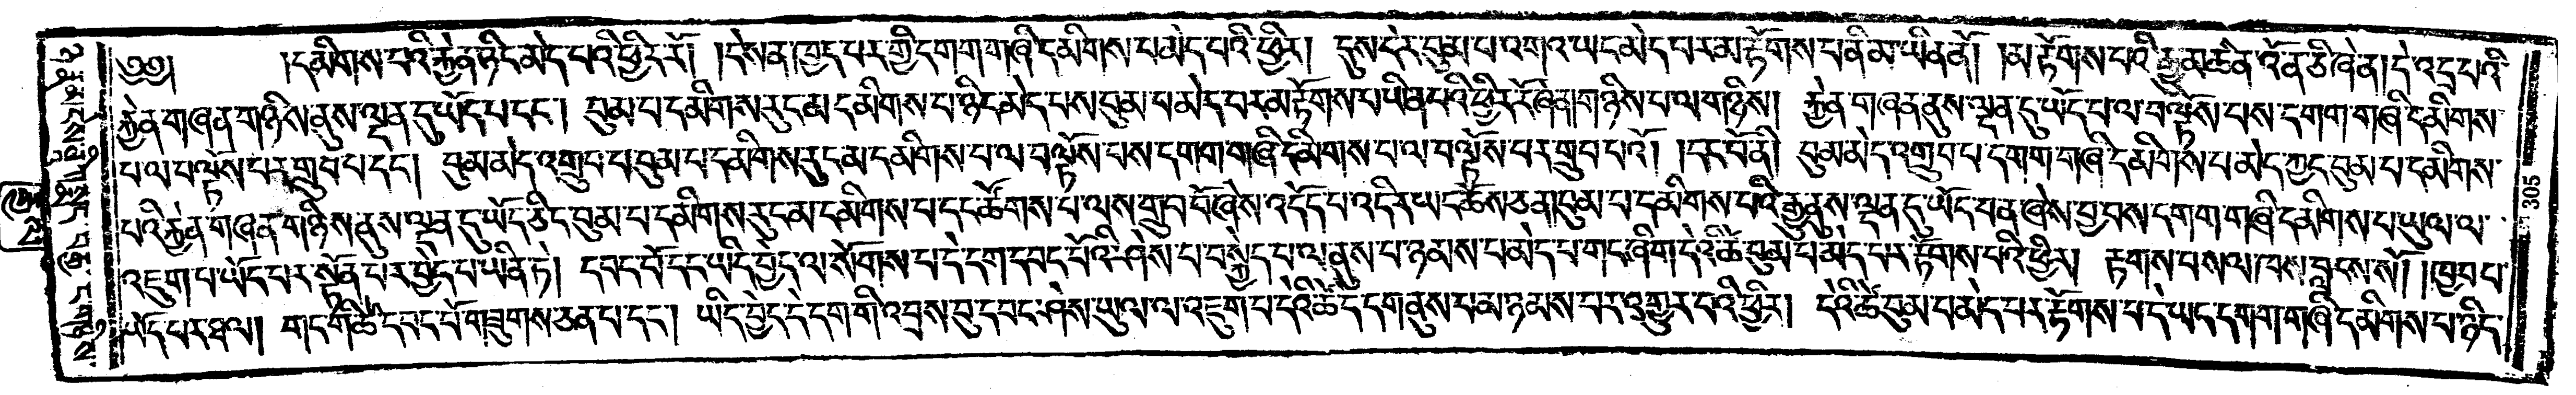༄༅། །དམིགས་པའི་རྐྱེན་ཉིད་མེད་པའི་ཕྱིར་རོ། །དེས་ན་ཁྱད་པར་གྱི་དགག་གཞི་དམིགས་པ་མེད་པའི་ཕྱིར། དུས་དེར་བུམ་པ་འགའ་ཡང་མེད་པར་མ་རྟོགས་པ་ནི་མ་ཡིན་ནོ། །མ་རྟོགས་པའི་རྒྱུ་མཚན་འོ་ན་ཅི་ཞེ་ན། དེ་འདྲ་པའི་
རྐྱེན་གཞན་གཉིས་ནུས་ལྡན་དུ་ཡོད་པ་དང་། བུམ་པ་དམིགས་རུང་མ་དམིགས་པ་ཉིད་མེད་པས་བུམ་པ་མེད་པར་མ་རྟོགས་པ་ཡིན་པའི་ཕྱིར་རོ་ཞེ་ན། གཉིས་པ་ལ་གཉིས། རྐྱེན་གཞན་ནུས་ལྡན་དུ་ཡོད་པ་ལ་བལྟོས་པས་དགག་གཞི་དམིགས་
པ་ལ་བལྟོས་པར་གྲུབ་པ་དང་། བུམ་མེད་འགྲུབ་པ་བུམ་པ་དམིགས་རུང་མ་དམིགས་པ་ལ་བལྟོས་པས་དགག་གཞི་དམིགས་པ་ལ་བལྟོས་པར་གྲུབ་པའོ། །དང་པོ་ནི། བུམ་མེད་འགྲུབ་པ་དགག་གཞི་དམིགས་པ་མེད་ཀྱང་བུམ་པ་དམིགས་
པའི་རྐྱེན་གཞན་གཉིས་ནུས་ལྡན་དུ་ཡོད་ཅིང་བུམ་པ་དམིགས་རུང་མ་དམིགས་པ་དང་ཚོགས་པ་ལས་གྲུབ་པོ་ཞེས་འདོད་པ་འདིར་ཡང་ཆོས་ཅན་བུམ་པ་དམིགས་པའི་རྒྱུ་སུ་ལྡན་དུ་ཡོད་པ་ན་ཞེས་བྱ་བས་དགག་ཞི་དམིགས་པ་ཡུལ་ལ་
འཇུག་པ་ཡོད་པར་སྟོན་པར་བྱེད་པ་ཡིན་ཏེ། དབང་པོ་དང་ཡིད་བྱེད་ལ་སོགས་པ་དེ་དག་དབང་པོའི་ཤེས་པ་བསྐྱེད་པ་ལ་ནུས་པ་ཉམས་པ་མེད་པ་གང་ཞིག་དེའི་ཚེ་བུམ་པ་མེད་པར་རྟོགས་པའི་ཕྱིར། རྟགས་པས་ལ་ཁས་བླངས་སོ། །ཁྱབ་པ་
ཡོད་པར་ཐལ། གང་གི་ཚེ་དབང་པོ་གཟུགས་ཅན་པ་དང་། ཡིད་བྱེད་དེ་དག་གི་འབྲས་བུ་དབང་ཤེས་ཡུལ་ལ་འཇུག་པ་དེའི་ཚེ་དེ་དག་ནུས་པ་ཉམས་པར་འགྱུར་བའི་ཕྱིར། དེའི་ཚེ་བུམ་པ་མེད་པར་རྟོགས་པ་དེ་ཡང་དགག་གཞི་དམིགས་པ་ཉིད་